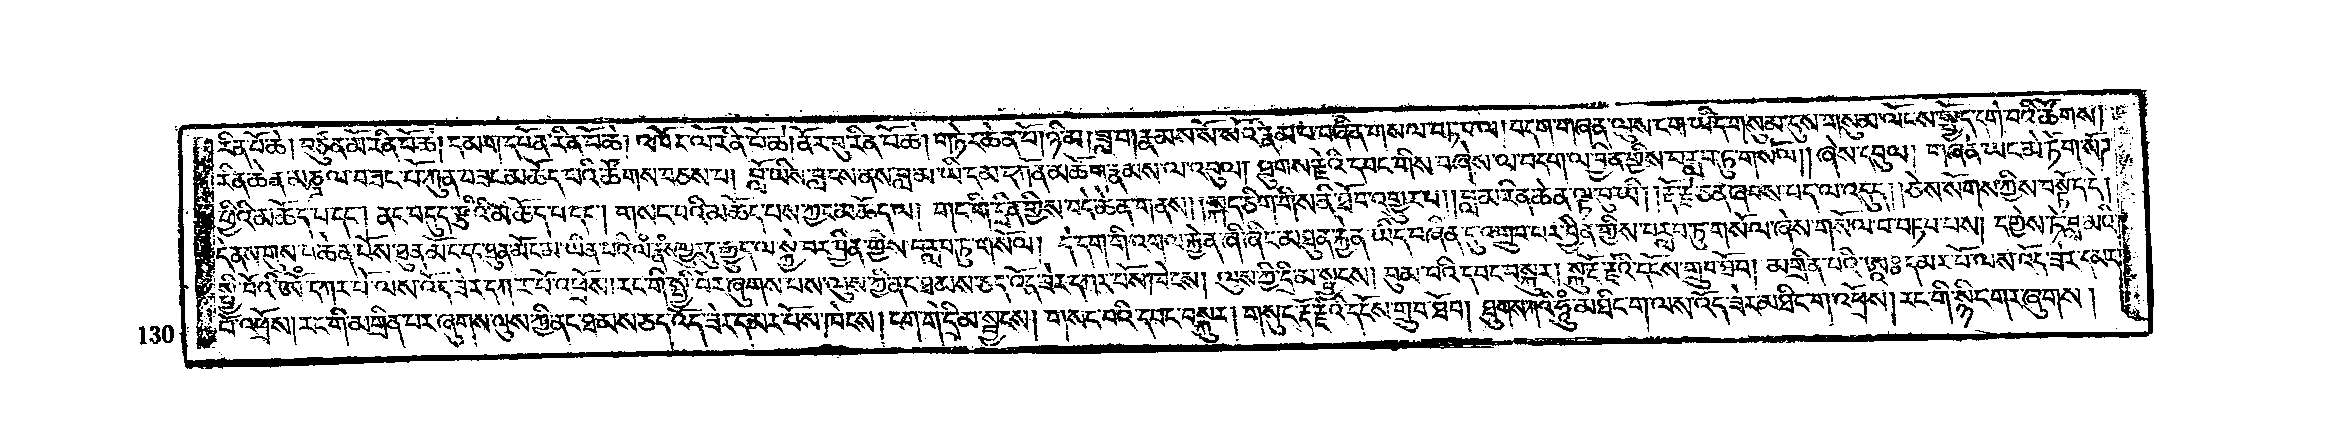རིན་པོ་ཆེ། བཙུན་མོ་རིན་པོ་ཆེ། དམག་དཔོན་རིན་པོ་ཆེ། འཁོར་ལོ་རིན་པོ་ཆེ། ནོར་བུ་རིན་པོ་ཆེ། གཏེར་ཆེན་པོ། ཉི་མ། ཟླ་བ། རྣམས་སོ་སོའི་རྣམ་པ་བཞིན་གསལ་བཏབ་ལ། བདག་གཞན་ལུས་ངག་ཡིད་གསུམ་དུས་གསུམ་ལོངས་སྤྱོད་དགེ་བའི་ཚོགས།
རིན་ཆེན་མཎྜལ་བཟང་པོ་ཀུན་བཟང་མཆོད་པའི་ཚོགས་བཅས་པ། བློ་ཡིས་བླངས་ནས་བླ་མ་ཡི་དམ་དཀོན་མཆོག་རྣམས་ལ་འབུལ། ཐུགས་རྗེའི་དབང་གིས་བཞེས་ལ་བདག་ལ་བྱིན་གྱིས་བརླབ་ཏུ་གསོལ། །ཞེས་དབུལ། གཞན་ཡང་མེ་ཏོག་སོགས་
ཕྱིའི་མཆོད་པ་དང་། ནང་བདུད་རྩིའི་མཆོད་པ་དང་། གསང་བའི་མཆོད་པས་ཀྱང་མཆོད་ལ། གང་གི་དྲིན་གྱིས་བདེ་ཆེན་གནས། །སྐད་ཅིག་གིས་ནི་ཐོབ་འགྱུར་པ། །བླ་མ་རིན་ཆེན་ལྟ་བུ་ཡི། །རྡོ་རྗེ་ཅན་ཞབས་པད་ལ་འདུད། །ཅེས་སོགས་ཀྱིས་བསྟོད་དེ།
དེ་ནས་གུས་པ་ཆེན་པོས་ཐུན་མོང་དང་ཐུན་མོང་མ་ཡིན་པའི་ལཾ་རྣམས་མྱུར་དུ་རྒྱུད་ལ་སྐྱེ་བར་བྱིན་གྱིས་བརླབ་ཏུ་གསོལ། དེ་དག་གི་འགལ་རྐྱེན་ཞི་ཞིང་མཐུན་རྐྱེན་ཡིད་བཞིན་དུ་འགྲུབ་པར་བྱིན་གྱིས་བརླབ་ཏུ་གསོལ་ཞེས་གསོལ་བ་བཏབ་པས། དགྱེས་ཏེ་བླ་མའི་
སྤྱི་བོའི་ཨོཾ་དཀར་པོ་ལས་འོད་ཟེར་དཀར་པོ་འཕྲོས། རང་གི་སྤྱི་བོར་ཞུགས་པས་ལུས་ཀྱི་ནང་ཐམས་ཅད་འོད་ཟེར་དཀར་པོས་ཁེངས། ལུས་ཀྱི་དྲི་མ་སྦྱངས། བུམ་པའི་དབང་བསྐུར། སྐུ་རྡོ་རྗེའི་དངོས་གྲུབ་ཐོབ། མགྲིན་པའི་ཨཱཿ དམར་པོ་ལས་འོད་ཟེར་དམར་
པོ་འཕྲོས། རང་གི་མགྲིན་པར་ཞུགས་ལུས་ཀྱི་ནང་ཐམས་ཅད་འོད་ཟེར་དམར་པོས་ཁེངས། ངག་གི་དྲི་མ་སྦྱངས། གསང་བའི་དབང་བསྐུར། གསུང་རྡོ་རྗེའི་དངོས་གྲུབ་ཐོབ། ཐུགས་ཀའི་ཧཱུཾ་མཐིང་ག་ལས་འོད་ཟེར་མཐིང་ག་འཕྲོས། རང་གི་སྙིང་གར་ཞུགས།